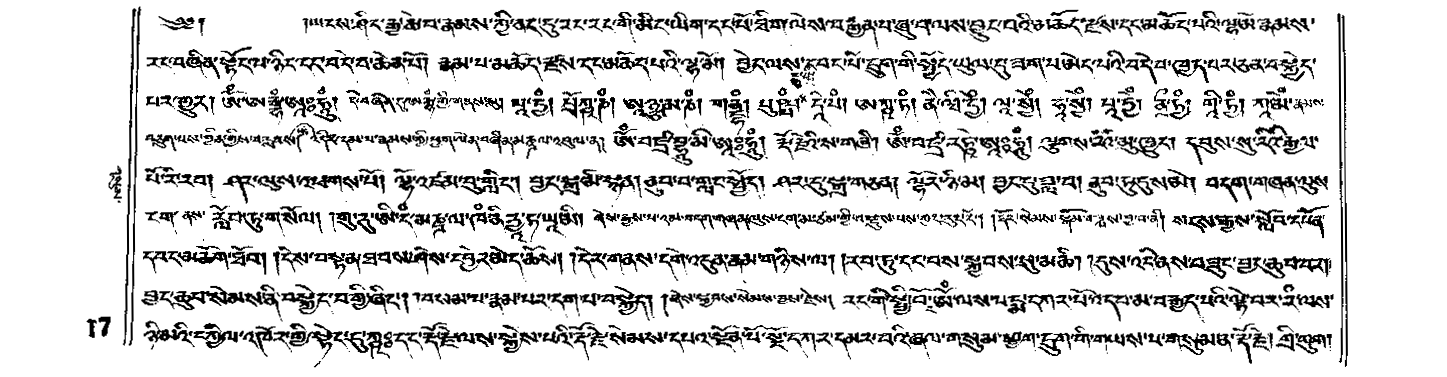༄༅། །ཡངས་ཤིང་རྒྱ་ཆེ་བ་རྣམས་ཀྱི་ནང་དུ་རང་རང་གི་མིང་ཡིག་དང་པོ་ཐིག་ལེས་བརྒྱན་པ་ཞུ་བ་ལས་བྱུང་བའི་མཆོད་རྫས་དང་མཆོད་པའི་ལྷ་མོ་རྣམས་
རང་བཞིན་སྟོང་པ་ཉིད་དང་བདེ་བ་ཆེན་པོ། རྣམ་པ་མཆོད་རྫས་དང་མཆོད་པའི་ལྷ་མོ། བྱེད་ལས་དྷ་པ་དབང་པོ་དྲུག་གི་སྤྱོད་ཡུལ་དུ་ཟག་པ་མེད་པའི་བདེ་བ་ཁྱད་པར་ཅན་བསྐྱེད་
པར་གྱུར། ཨོཾ་ཨརྒྷཾ་ཨཱཿ ཧཱུཾ། དེ་བཞིན་དུ་ཨརྒྷཾ་གྱི་གནས་སུ།  པཱ་དྱཾ། པྲོཀྵ་ཎཾ། ཨཱཉྩ་མ་ཎཾ། གནྡྷཾ། པུཥྤཾ། དཱི་པཾ། ཨཀྵ་ཏཾ། ནཻ་ཝི་དྱེཾ། ལཱ་སྱེཾ། པཱ་དྱེཾ། ནྲྀ་ཏྱཾ། གཱི་ཏྱཾ། ཀཱ་མེཾ་རྣམས་
བཅུག་པས་བྱིན་གྱིས་བརླབས། འདིར་དམ་པ་རྣམས་ཀྱི་ཕྱག་ལེན་བཞིན་མཎྜལ་འབུལ་ན། ཨོཾ་བཛྲ་བྷཱུ་མི་ཨཱཿ ཧཱུཾ། རྡོ་རྗེའི་ས་གཞི། ཨོཾ་བཛྲ་རཏྵེ་ཨཱཿ ཧཱུཾ། ལྕགས་རིའི་མུ་ཁྱུད། དབུས་སུ་རིའི་རྒྱལ་
པོ་རི་རབ། ཤར་ལུས་འཕགས་པོ། ལྷོ་འཛམ་བུ་གླིང་། བྱང་སྒྲ་མི་སྙན། ནུབ་བ་གླང་སྤྱོད། ཤར་དུ་སྒྲ་གཅན། ལྷོར་ཉི་མ། བྱང་དུ་ཟླ་བ། ནུབ་ཏུ་དུས་མེ། བདག་གཞན་ལུས་
ངག་ནས་རློབ་ཏུ་གསོལ། །གུ་རུ་ཨི་དཾ་མཎྜལ་ལ་ཁཾ་ནི་རྱཱ་ཏ་ཡཱ་མི། ཞེས་རྒྱས་པའམ་བདག་གཞན་ལུས་ངག་མ་ཙམ་གྱི་བསྡུས་པས་ཀྱང་རུང་ངོ། །རྡོར་སེམས་སྒོམ་བཟླས་བྱ་བ་ནི།  སངས་རྒྱས་སློབ་དཔོན་
དབང་མཆོག་ཐོབ། །དེས་བསྟན་ཐབས་ཤེས་དབྱེར་མེད་ཆོས། །དེར་གནས་དགེ་འདུན་རྣམ་གཉིས་ལ། །རབ་ཏུ་དང་བས་སྐྱབས་སུ་མཆི། །དུས་འདི་ནས་བཟུང་བྱང་ཆུབ་བར།
བྱང་ཆུབ་སེམས་ནི་བསྐྱེད་བགྱི་ཞིང་། །བསམ་པ་རྣམ་པར་དག་པ་བསྐྱེད། །ཞེས་སྐྱབས་སེམས་བྱས་རྗེས།  རང་གི་སྤྱི་བོ་ཨོཾ་ལས་པདམ་དཀར་པོ་འདབ་མ་བརྒྱད་པའི་ལྟེ་བར་རཾ་ལས་
ཉི་མའི་དཀྱིལ་འཁོར་གྱི་སྟེང་དུ་ཀྵཿ དང་རྡོ་རྗེ་ལས་སྐྱེས་པའི་རྡོ་རྗེ་སེམས་དཔའ་སྔོན་པོ་སྔོ་དཀར་དམར་བའི་ཞལ་གསུམ་ཕྱག་དྲུག་གི་གཡས་པ་གསུམ་ན་རྡོ་རྗེ། གྲི་གུག།